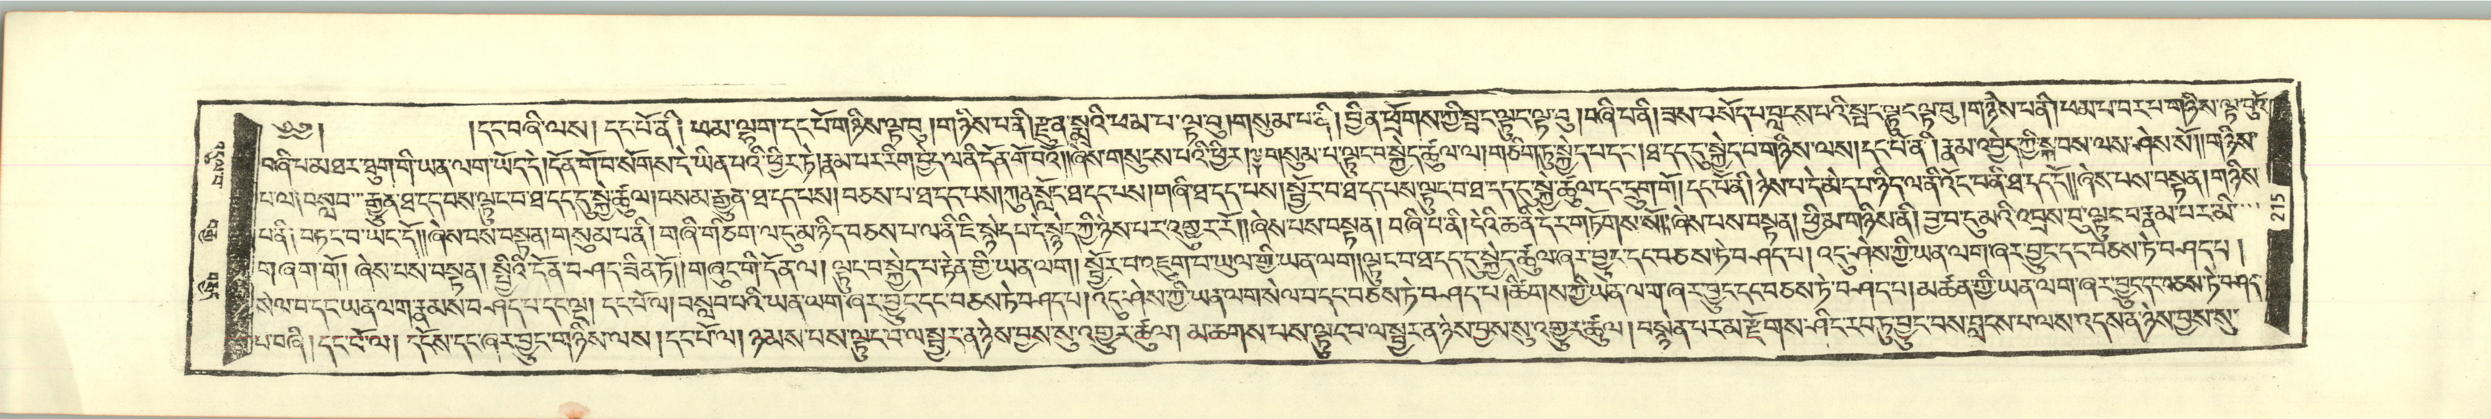༄༅། །དང་བཞི་ལས། དང་པོ་ནི། ཕམ་ལྷག་དང་པོ་གཉིས་ལྟ་བུ། གཉིས་པ་ནི། རྫུན་སྨྲའི་ཕམ་པ་ལྟ་བུ། གསུམ་པ་ནི། བྱིན་ཕྲོགས་ཀྱི་སྤང་ལྟུང་ལྟ་བུ། བཞི་པ་ནི། ཟས་བསོད་པ་བླངས་པའི་སྤང་ལྟུང་ལྟ་བུ། གཉིས་པ་ནི། ཕམ་པ་བར་པ་གཉིས་ལྟ་བུའོ།
བཞི་པ་མཐར་ཐུག་གི་ཡན་ལག་ཡོད་དེ། དོན་གོ་བ་སོགས་དེ་ཡིན་པའི་ཕྱིར་ཏེ། རྣམ་པར་རིག་བྱེད་ལ་ནི་དོན་གོ་བའོ། །ཞེས་གསུངས་པའི་ཕྱིར། ༈ གསུམ་པ་ལྟུང་བ་སྐྱེད་ཚུལ་ལ། གཅིག་ཏུ་སྐྱེད་པ་དང་། ཐ་དད་དུ་སྐྱེད་པ་གཉིས་ལས། དང་པོ་ནི། རྣམ་འབྱེད་ཀྱི་སྐབས་ལས་ཤེས་སོ། །གཉིས་
པ་ལ། བསླབ་རྒྱུན་ཐ་དད་བས་ལྟུང་བ་ཐ་དད་དུ་སྐྱེ་ཚུལ། བསམ་རྒྱུན་ཐ་དད་པས། བཅས་པ་ཐ་དད་པས། ཀུན་སློང་ཐ་དད་པས། གཞི་ཐ་དད་པས། སྦྱོར་བ་ཐ་དད་པས་ལྟུང་བ་ཐ་དད་དུ་སྐྱེ་ཚུལ་དང་དྲུག་གོ། དང་པོ་ནི། ཉེས་པ་དེ་མེད་པ་ཉིད་ལ་ནི་འོང་བ་ནི་ཐ་དད་དོ། །ཞེས་པས་བསྟན། གཉིས་
པ་ནི། བཏང་བ་ཡང་དོ། །ཞེས་བས་བསྟན། གསུམ་པ་ནི། གཞི་གཅིག་ལ་དུ་མ་ཉིད་བཅས་པ་ལ་ནི་ཇི་སྙེད་པ་དེ་སྙེད་ཀྱི་ཉེས་པར་འགྱུར་རོ། །ཞེས་པས་བསྟན། བཞི་པ་ནི། དེའི་ཆ་ནི་དེར་གཏོགས་སོ། །ཞེས་པས་བསྟན། ཕྱི་མ་གཉིས་ནི། བྱ་བ་དུ་མའི་འབྲས་བུ་ལྟུང་བ་རྣམ་པར་མི་
གཞག་གོ །ཞེས་པས་བསྟན། སྤྱིའི་དོན་བཤད་ཟིན་ཏོ། །གཞུང་གི་དོན་ལ། ལྟུང་བ་སྐྱེད་པ་རྟེན་གྱི་ཡན་ལག །སྦྱོར་པ་འཇུག་པ་ཡུལ་གྱི་ཡན་ལག །ལྟུང་བ་ཐ་དད་དུ་སྐྱེད་ཚུལ་ཞར་བྱུང་དང་བཅས་ཏེ་བཤད་པ། འདུ་ཤེས་ཀྱི་ཡན་ལག་ཞར་བྱུང་དང་བཅས་ཏེ་བཤད་པ།
སེལ་བ་དང་ཡན་ལག་རྣམས་བཤད་པ་དང་ལྔ། དང་པོ་ལ། བསླབ་པའི་ཡན་ལག་ཞར་བྱུང་དང་བཅས་ཏེ་བཤད་པ། འདུ་ཤེས་ཀྱི་ཡན་ལག་སེལ་བ་དང་བཅས་ཏེ་བཤད་པ། ཚིགས་ཀྱི་ཡན་ལག་ཞར་བྱུང་དང་བཅས་ཏེ་བཤད་པ། མཚན་གྱི་ཡན་ལག་ཞར་བྱུང་དང་བཅས་ཏེ་བཤད་
པ་བཞི། དང་པོ་ལ། དངོས་དང་ཞར་བྱུང་གཉིས་ལས། དང་པོ་ལ། ཉམས་པས་ལྟུང་བ་ལ་སྦྱར་ན་ཉེས་བྱས་སུ་འགྱུར་ཚུལ། མ་ཆགས་པས་ལྟུང་བ་ལ་སྦྱར་ན་ཉེས་བྱས་སུ་འགྱུར་ཚུལ། བསྙེན་པར་མ་རྫོགས་ཤིང་རབ་ཏུ་བྱུང་བས་བླངས་པ་ལས་འདས་ན་ཉེས་བྱས་སུ་